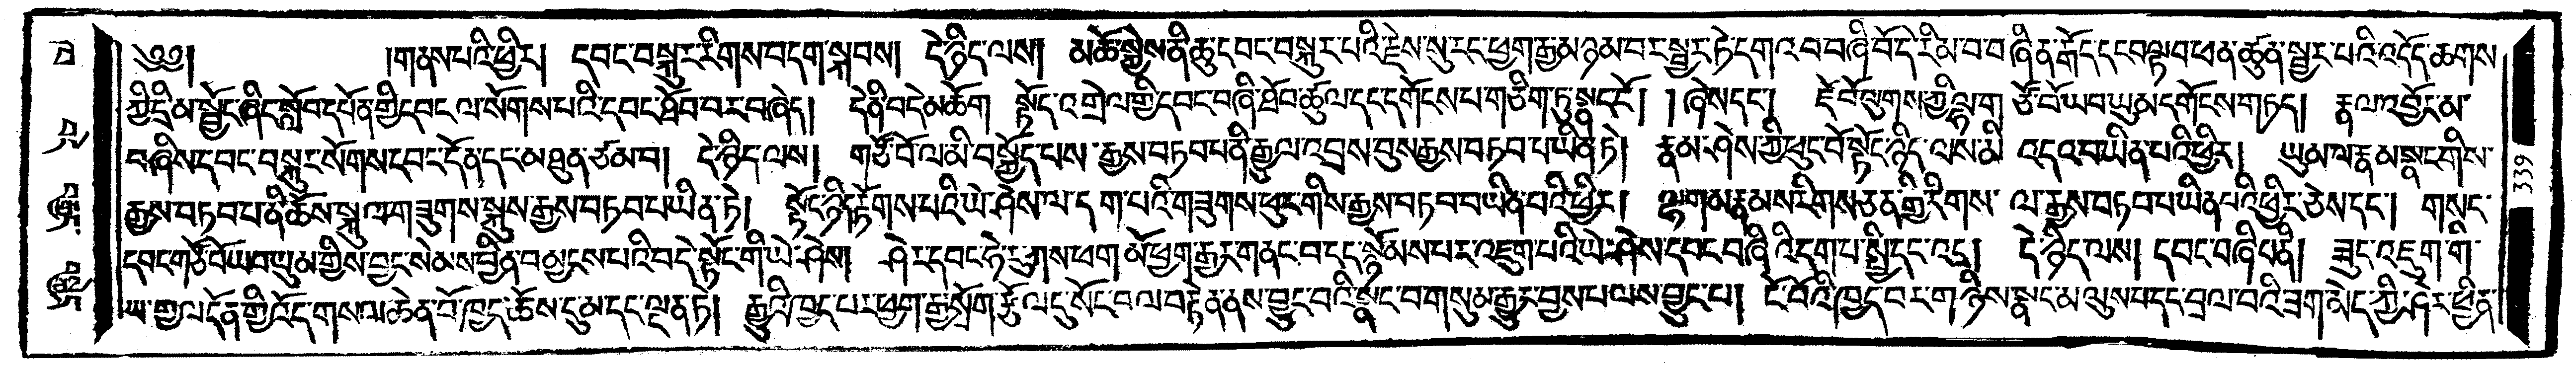༄༅། །གནས་པའི་ཕྱིར། དབང་བསྐུར་རིགས་བདག་སྐབས། དེ་ཉིད་ལས། མཚོ་སྐྱེས་ནི་ཆུ་དབང་བསྐུར་པའི་རྗེས་སུ་རང་ཕྱག་རྒྱ་མཉམ་པར་སྦྱར་ཏེ་དགའ་བ་བཞི་བོ་དེ་རིམ་པ་བཞིན་རྒོད་དང་བལྟབ་ཕན་ཚུན་སྦྱར་པའི་འདོད་ཆགས་
ཀྱི་དྲི་མ་སྦྱོང་ཞིང་སློབ་དཔོན་གྱི་དབང་ལ་སོགས་པའི་དབང་ཐོབ་པར་བཞེད། དེ་ནི་བདེ་མཆོག་སྟོད་འགྲེལ་གྱི་དབང་བཞི་ཐོབ་ཚུལ་དང་དགོངས་པ་གཅིག་ཏུ་སྣང་ངོ། །ཞེས་དང་། ཇོ་བོ་ལུགས་ཀྱི་ལྷ་གཙོ་བོ་ཡབ་ཡུམ་དགོངས་གཏད། རྣལ་འབྱོར་མ་
བཞིས་དབང་བསྐུར་སོགས་དབང་དོན་དང་མཐུན་ཙམ་པ། དེ་ཉིད་ལས། གཙོ་བོ་ལ་མི་བསྐྱོད་པས་རྒྱས་བཏབ་པ་ནི་རྒྱུ་ལ་འབྲས་བུས་རྒྱས་བཏབ་པ་ཡིན་ཏེ། རྣམ་ཤེས་ཀྱི་ཕུང་པོ་སྟོང་ཉིད་ལས་མི་འདའ་བ་ཡིན་པའི་ཕྱིར། ཡུམ་ལ་རྣམ་སྣང་གིས་
རྒྱས་བཏབ་པ་ནི་ཆོས་སྐུ་ལ་གཟུགས་སྐུས་རྒྱས་བཏབ་པ་ཡིན་ཏེ། སྟོང་ཉིད་རྟོགས་པའི་ཡེ་ཤེས་ལ་དག་པའི་གཟུགས་ཕུང་གིས་རྒྱས་བཏབ་པ་ཡིན་པའི་ཕྱིར། ལྷག་མ་རྣམས་རིགས་ཅན་གྱི་རིགས་ལ་རྒྱས་བཏབ་པ་ཡིན་པའི་ཕྱིར་ཅེས་དང་། གསང་
དབང་གཙོ་བོ་ཡབ་ཡུམ་གྱིས་བྱང་སེམས་བྱིན་པ་མྱངས་པའི་བདེ་སྟོང་གི་ཡེ་ཤེས། ཤེར་དབང་ཧེ་རུ་ཀས་ཕག་མོ་ཕྱག་རྒྱར་གནང་བ་དང་སྙོམས་པར་འཇུག་པའི་ཡེ་ཤེས་དབང་བཞིའི་དག་པ་སྤྱི་དང་འདྲ། དེ་ཉིད་ལས། དབང་བཞི་པ་ནི། ཟུང་འཇུག་གི་
ཡ་གྱལ་དོན་གྱི་འོད་གསལ་ཆེན་པོ་ཁྱད་ཆོས་དུ་མ་དང་ལྡན་ཏེ། རྒྱུའི་ཁྱད་པར་ཕྱག་རྒྱ་སྲོག་རྩོལ་དུ་སོང་བ་ལ་བརྟེན་ནས་བྱུང་བའི་སྣང་བ་གསུམ་རྒྱུར་བྱས་པ་ལས་བྱུང་པ། ངོ་བོའི་ཁྱད་པར་གཉིས་སྣང་མ་ལུས་པ་དང་བྲལ་བའི་ཟག་མེད་ཀྱི་ཤེར་ཕྱིན་